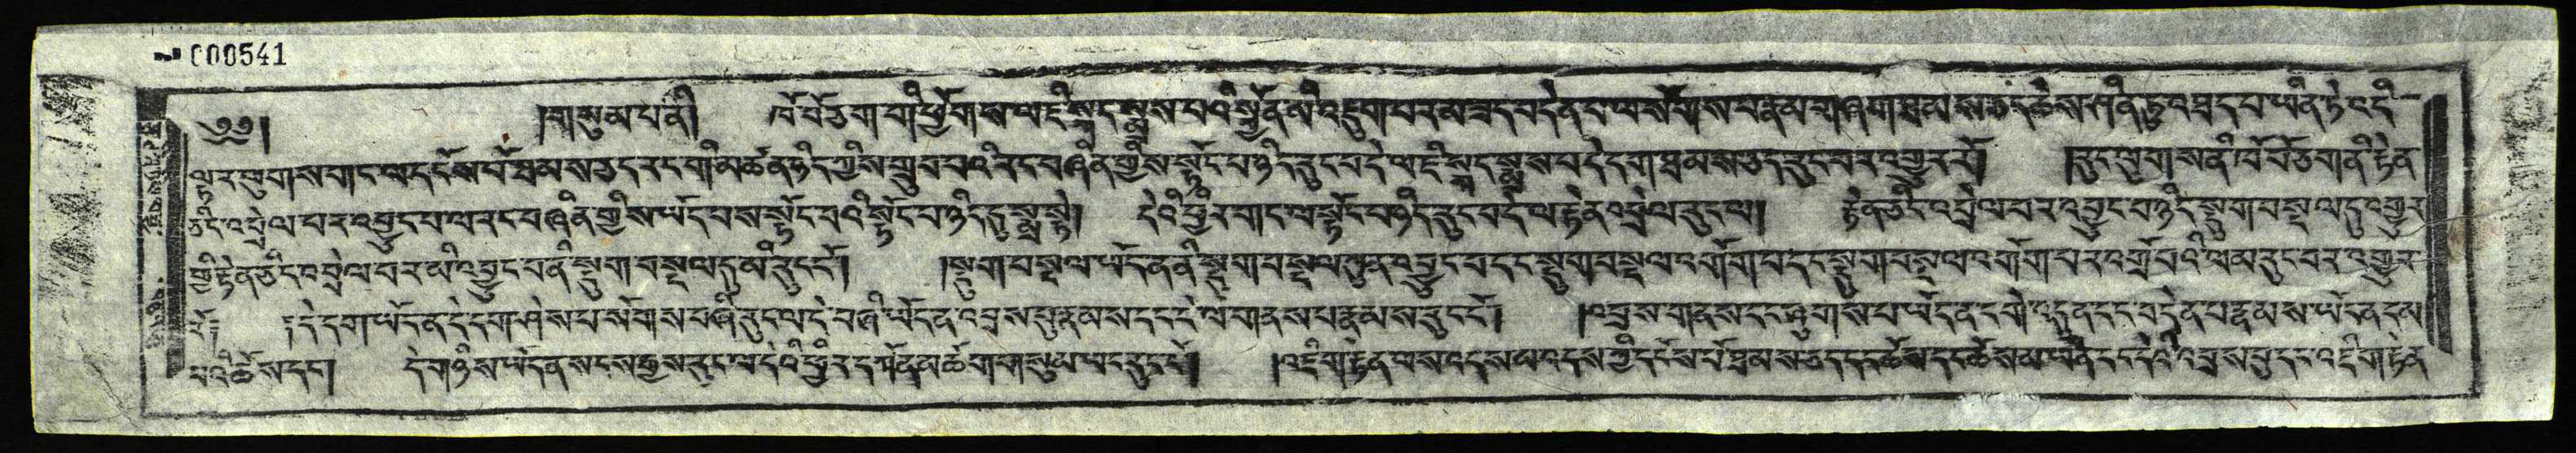༄༅། །གསུམ་པ་ནི། ཁོ་བོ་ཅག་གི་ཕྱོགས་ལ་ཇི་སྐད་སྨྲས་པའི་སྐྱོན་མི་འཇུག་པར་མ་ཟད་བདེན་པ་ལ་སོགས་པ་རྣམ་གཞག་ཐམས་ཅད་ཆེས་ཤིན་ཏུ་འཐད་པ་ཡིན་ཏེ་འདི་
ལྟར་གུགས་གང་ལ་དངོས་པོ་ཐམས་ཅད་རང་གི་མཚན་ཉིད་ཀྱིས་གྲུབ་པའི་རང་བཞིན་གྱིས་སྟོང་པ་ཉིད་རུང་བ་དེ་ལ་ཇི་སྐད་སྨྲས་པ་དེ་དག་ཐམས་ཅད་རུང་བར་འགྱུར་རོ། །རུང་ལུགས་ནི་ཁོ་བོ་ཅག་ནི་རྟེན་
ཅིང་འབྲེལ་བར་འབྱུང་བ་ལ་རང་བཞིན་གྱིས་ཡོད་པས་སྟོང་པའི་སྟོང་པ་ཉིད་དུ་སྨྲ་སྟེ། དེའི་ཕྱིར་གང་ལ་སྟོང་པ་ཉིད་རུང་བ་དེ་ལ་རྟེན་འབྲེལ་རུང་ལ། རྟེན་ཅིང་འབྲེལ་བར་འབྱུང་བ་ཉིད་སྡུག་བསྔལ་དུ་འགྱུར་
གྱི་རྟེན་ཅིང་འབྲེལ་བར་མི་འབྱུང་བ་ནི་སྡུག་བསྔལ་དུ་མི་རུང་ངོ། །སྡུག་བསྔལ་ཡོད་ན་ནི་སྡུག་བསྔལ་ཀུན་འབྱུང་བ་དང་སྡུག་བསྔལ་འགོག་པ་དང་སྡུག་བསྔལ་འགོག་པར་འགྲོ་བའི་ལམ་རུང་བར་འགྱུར་
རོ༑ ༑དེ་དག་ཡོད་ན་དེ་དག་ཤེས་པ་སོགས་བཞི་རུང་ལ་དེ་བཞི་ཡོད་ན་འབྲས་བུ་རྣམས་དང་དེ་ལ་གནས་པ་རྣམས་རུང་ངོ། །འབྲས་གནས་དང་ཞུགས་པ་ཡོད་ན་དགེ་འདུན་དང་བདེན་པ་རྣམས་ཡོད་ན་དམ་
པའི་ཆོས་དང་། དེ་གཉིས་ཡོད་ན་སངས་རྒྱས་རུང་ལ་དེའི་ཕྱིར་དཀོན་མཆོག་གསུམ་ཡང་རུང་ངོ། །འཇིག་རྟེན་ལས་འདས་མ་འདས་ཀྱི་དངོས་པོ་ཐམས་ཅད་དང་ཆོས་དང་ཆོས་མ་ཡིན་དང་དེའི་འབྲས་བུ་དང་འཇིག་རྟེན་